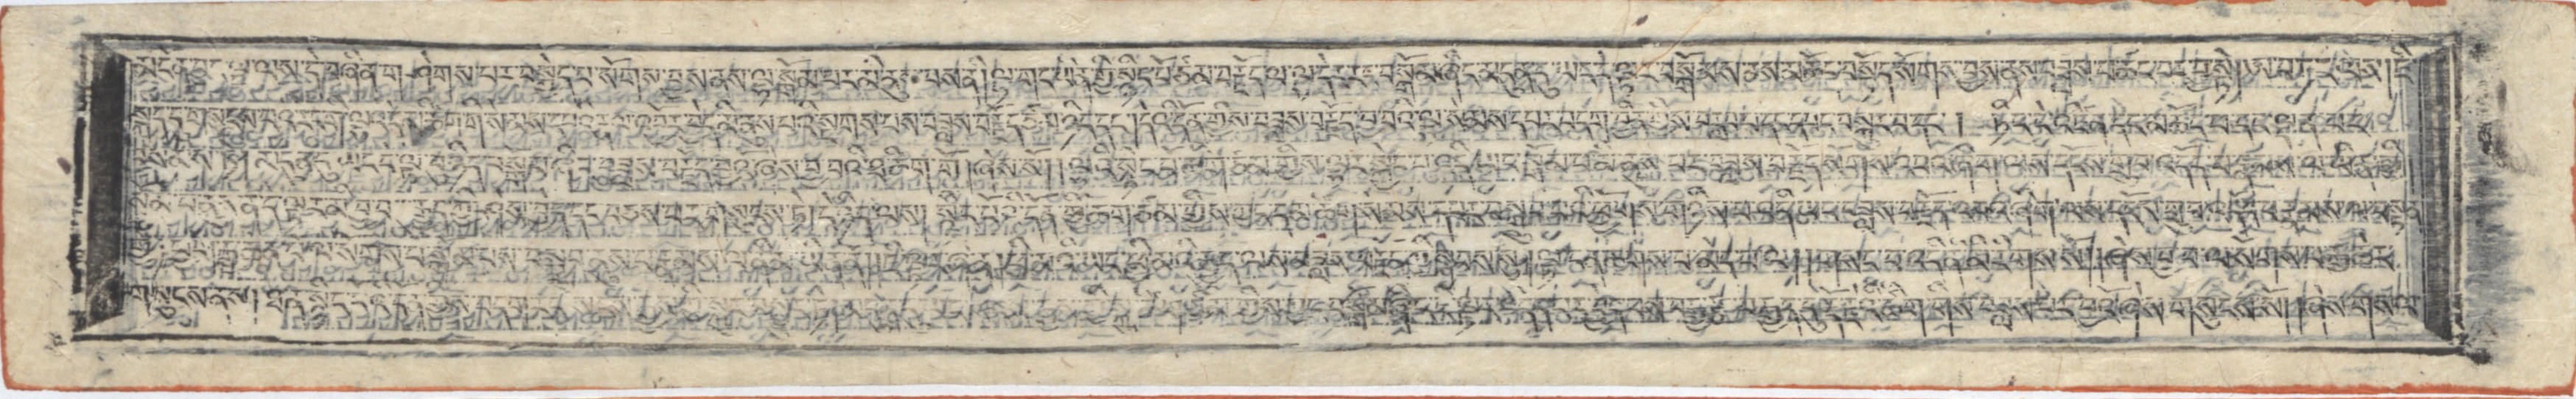མངོན་བྱང་ལྔ་ལས་དེ་བཞིན་གཤེགས་པར་བསྐྱེད་པ་སོགས་བྱས་ནས་ལྷ་སྒོམ་པར་མི་ནུས་པས་ནི། ལྷ་གང་ཡིན་གྱི་སྙིང་པོ་ཙམ་བརྗོད་ལ་ལྷ་དེར་རང་བསྒོམ་ཞིང་མདུན་དུ་ཡང་དེ་ལྟར་བསྒོམས་ནས་མཆོད་བསྟོད་སོགས་བྱས་ནས་བཟླས་པ་ཚང་བར་བྱ་སྟེ། ཨ་བ་ཏ་ར་ལས། ཇི་
སྐད་དུ་གསུངས་པའི་རང་གི་ལྷའི་དམ་ཚིག་གི་སེམས་དཔའི་རྣལ་འབྱོར་བྱེད་མི་ནུས་པའི་སྔགས་པས་བཟླས་བརྗོད་ཙམ་ཉིད་དང་། དེའི་དོན་གྱིས་བཟླས་བརྗོད་བྱ་བའི་ལྷ་སེམས་དཔར་བདག་བྱིན་གྱིས་བརླབ་པ་དང་དབང་བསྐུར་བ་དང་། ཏིང་ངེ་འཛིན་དང་མཆོད་པ་དང་ལྡན་པར་
བསམས་ཏེ། མདུན་དུ་ཡང་དེ་ལྟ་བུ་ཉིད་བསྒོམ་ཞིང་བཟླས་བརྗོད་བྱའོ་ཞེས་བྱ་བའི་ཐ་ཚིག་གོ །ཞེས་སོ། །ལྷའི་སྙིང་པོ་ཚིག་ཙམ་གྱིས་ལྷར་སྐྱེད་པ་འདི་ཡང་སྒོམ་པ་མི་ནུས་པར་བཟླས་བརྗོད་སོགས་འབའ་ཞིག་ལས་དངོས་གྲུབ་འདོད་པ་རྣམས་ལ་ཡིན་གྱི།
སྒོམ་པ་ནུས་ན་དེ་ལྟར་མི་བྱ་བ་རྒྱུད་ཀྱི་ཤེས་བྱེད་དང་བཅས་པར་གསུངས་ཏེ། དེ་ཉིད་ལས། སྙིང་པོའི་དོན་གྱི་ཚིག་ཙམ་གྱིས་ཀྱང་དམ་ཚིག་སེམས་དཔར་བསྒྲུབ་པའི་ཕྱོགས་གཉིས་པ་འདི་ཡང་བཟླས་བརྗོད་འབའ་ཞིག་ལས་དངོས་གྲུབ་འདོད་པ་རྣམས་ལ་བསྟན་
གྱི་༑ཕྱག་རྒྱ་ཆེན་པོ་ལ་སོགས་པ་སྒོམ་པས་བསྒྲུབ་ནུས་པ་རྣམས་ལ་ནི་མ་ཡིན་ནོ། །ཇི་ལྟར་ཞེ་ན། ཕྱི་མའི་ཡང་ཕྱི་མའི་རྒྱུད་ལས་བཟླས་བརྗོད་ཀྱི་སྐབས་སུ། ལྟ་ངན་ཆགས་པ་མེད་པ་ལ། །གསང་བ་འདི་ནི་མི་རིགས་སོ། །ཞེས་བྱ་བ་ལ་སོགས་པ་རྒྱ་ཆེར་
གསུངས་ནས། ཐ་ན་སྙིང་པོའི་དོན་གྱིས་བདག་རང་སངས་རྒྱས་ཀྱི་སྐུར་བསྒྱུར་ཏེ། མདུན་དུ་ཡང་སངས་རྒྱས་ཀྱི་སྐུ་ཚིག་ཙམ་གྱིས་ཀྱང་བསྒོམ་ཞིང་ཇི་ལྟར་འདོད་པར་བྱེད་པས་བརྒྱ་རྩ་བརྒྱད་དུ་རྡོ་རྗེའི་ཚིག་གིས་བཟླས་པར་བྱའོ་ཞེས་གསུངས་སོ། །ཞེས་གསལ་